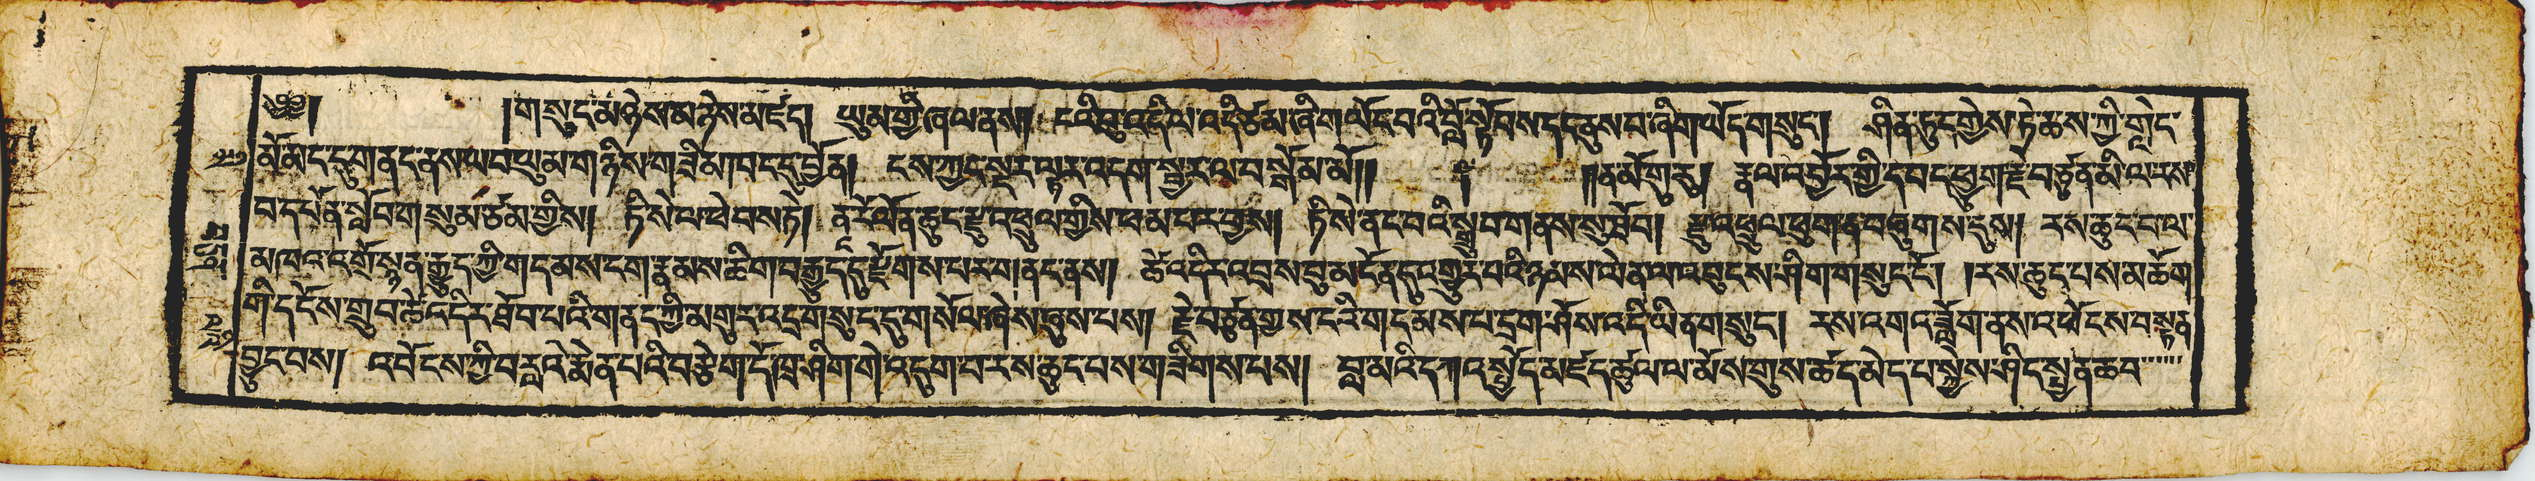གསུངས་མཉེས་མཉེས་མཛད། ཡུམ་གྱི་ཞལ་ནས། ངའི་བུ་འདི་ལ་འདི་ཙམ་ཞིག་ལོང་བའི་བློ་སྟོབས་དང་ནུས་པ་ཞིག་ཡོད་གསུང་། ཤིན་ཏུ་དགྱེས་ཏེ་ཆོས་ཀྱི་གླེང་
མོ་མང་དུ་གནང་ནས་ཡབ་ཡུམ་གཉིས་གཟིམ་ཁང་དུ་བྱོན། ངས་ཀྱང་སྔར་ལྟར་འདག་སྦྱར་ལ་བསྒོམ་མོ།། ༈ ན་མོ་གུ་རུ། རྣལ་འབྱོར་གྱི་དབང་ཕྱུག་རྗེ་བཙུན་མི་ལ་རས་
པ་དཔོན་སློབ་གསུམ་ཙམ་གྱིས། ཏི་སེ་ལ་ཕེབས་ཏེ། ནཱ་རོ་བོན་ཆུང་རྫུ་འཕྲུལ་གྱིས་ཕམ་པར་བྱས། ཏི་སེ་ནང་བའི་སྒྲུབ་གནས་སུ་ཐོབ། རྫུ་འཕྲུལ་ཕུག་ན་བཞུགས་དུས། རས་ཆུང་བ་ལ་
མཁའ་འགྲོ་སྙན་རྒྱུད་ཀྱི་གདམས་ངག་རྣམས་ཆིག་བརྒྱུད་དུ་རྫོགས་པར་གནང་ནས། ཚེ་འདིར་འབྲས་བུ་མངོན་དུ་འགྱུར་བའི་ཉམས་ལེན་ལ་འབུངས་ཤིག་གསུང་ངོ་། །རས་ཆུང་པས་མཆོག་
གི་དངོས་གྲུབ་ཚེ་འདིར་ཐོབ་པའི་གནད་ཀྱི་མགུར་འདྲགསུང་དུ་གསོལ་ཞེས་ཞུས་པས། རྗེ་བཙུན་གྱིས་ངའི་གདམས་པ་དྲག་ཤོས་འདི་ཡིན་གསུང་། རས་འགའ་ཟློག་ནས་འཕོངས་བསྟན་
བྱུང་བས། འཕོངས་ཀྱི་བརླའི་རྨེན་པའི་བརྩེག་དོ་ཁྲ་ཤིག་གེ་འདུག་བ་རས་ཆུང་བས་གཟིགས་པས། བླ་མའི་དཀའ་སྤྱོད་མཛད་ཚུལ་ལ་མོས་གུས་ཚད་མེད་པ་སྐྱེས་ཤིང་སྤྱན་ཆབ་